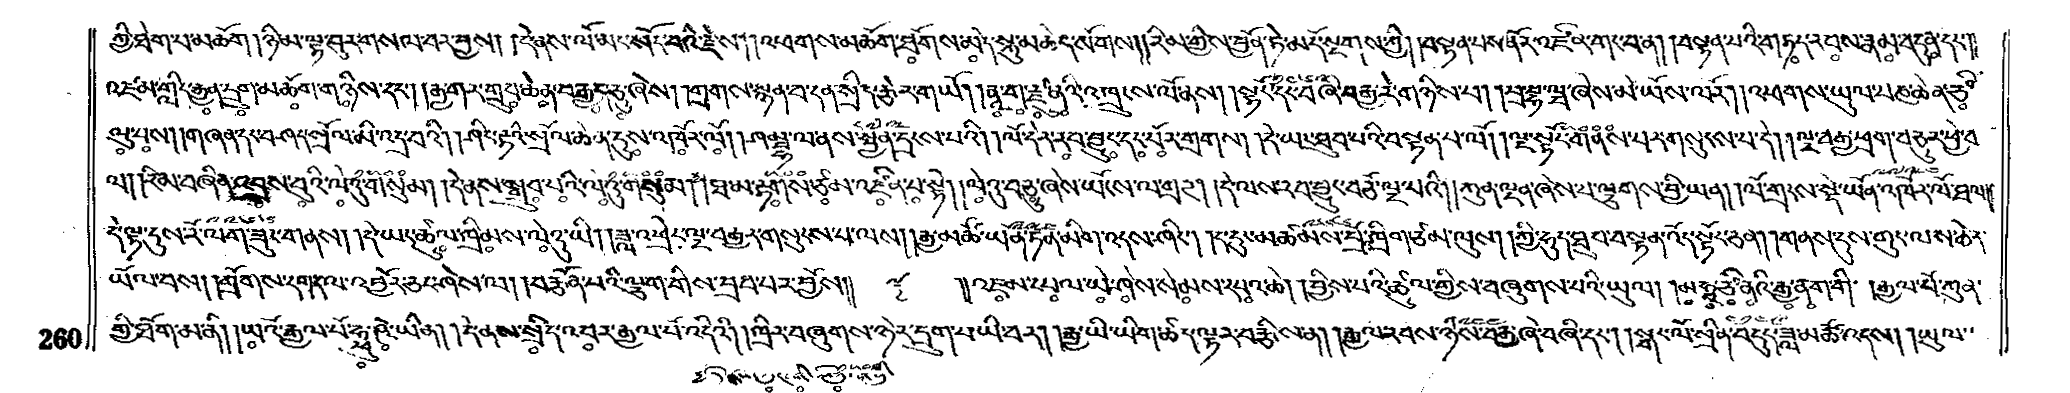ཀྱི་ཐེག་པ་མཆོག །ཉི་མ་ལྟ་བུར་གསལ་བར་བྱས། །དེ་ནས་ལོ་མང་སོང་བའི་རྗེས། །འཕགས་མཆོག་ཐོགས་མེད་སྐུ་མཆེད་སོགས། །རིམ་གྱིས་བྱོན་ཏེ་མདོ་སྔགས་ཀྱི། །བསྟན་པས་ནོར་འཛིན་གང་བ་ན། །བསྟན་པའི་གཏད་རབས་རྣམ་བདུན་དང།།
འཛམ་གླིང་རྒྱན་དྲུག་མཆོག་གཉིས་དང་། །རྒྱ་གར་གྲུབ་ཆེན་བརྒྱད་ཅུ་ཞེས། །གྲགས་སྙན་བ་དན་སྲིད་རྩེར་གཡོ། །ནཱ་ག་རྫུ་ནའི་འཁྲུངས་ལོ་ནས། །སྟོང་དང་བཞི་བརྒྱ་རེ་གཉིས་པ། །པྲ་བྷ་ཝ་ཞེས་མེ་ཡོས་ལོར། །འཕགས་ཡུལ་པཎ་ཆེན་ཅིཾ་
ལུ་པས། །གཞན་དང་བཤད་སྲོལ་མི་འདྲ་བའི། །ཤིང་རྟའི་སྲོལ་ཆེན་དུས་འཁོར་ལོ། །ཤམྦྷ་ལ་ནས་སྤྱན་དྲངས་པའི། །ལོ་དེར་རབ་བྱུང་དང་བོར་གྲགས། །དེ་ཡང་ཐུབ་པའི་བསྟན་པ་ལོ། །ལྔ་སྟོང་གནས་པར་གསུངས་པ་དེ། །ལྔ་བརྒྱ་ཕྲག་བཅུར་ཕྱེ་བ་
ལ། །རིམ་བཞིན་འབྲས་བུའི་ལེའུ་གསུམ། །དེ་ནས་སྒྲུབ་པའི་ལེའུ་གསུམ། དགོས་འདུང་གི་ལ་སྡུ?་གསུམ་།ཐ་མ་རྟགས་ཙམ་འཛིན་པ་སྟེ། །ལེའུ་བཅུ་ཞེས་ཡོངས་ལ་གྲགས། །དེ་ལས་རབ་བྱུང་བཅོ་ལྔ་པའི། །ཀུན་ལྡན་ཞེས་པ་ལྕགས་བྱི་ཡན། །ལོ་གྲངས་སྡེ་ཡོན་འཁོར་ལོ་ཐལ།།
དེ་ལྟ་དུས་རོ་ལག་ཟུང་གནས། །དེ་ཡང་ཚུལ་ཁྲིམས་ལེའུ་ཡི། །ཟླ་འཕྲེང་ལྔ་བརྒྱད་གསུངས་པ་ལས། །རྒྱ་མཚོ་ཡོན་ཏན་མིག་འདས་ཤིང་། །ད་དུང་མཚམས་པྲོ་ཁྲིག་ཙམ་ལུས། །ཀྱི་ཧུད་ཐུབ་བསྟན་འོད་སྟོང་ཅན། །གནས་དུས་གུང་ལས་ཆེར་
ཡོལ་བས། །གྲོགས་དགད་ལ་འབྱོར་ཅང་ཤེས་ལ། །བརྩོན་པའི་ལྕག་གིས་བྲབ་པར་བྱོས།། ༈ །།འཇམ་དཔལ་ཡེ་ཤེས་སེམས་དཔའ་ཆེ། །བྱིས་པའི་ཚུལ་གྱིས་བཞུགས་པའི་ཡུལ། །མཧཱ་ཙི་ནའི་རྒྱ་ནག་གི །རྒྱལ་བོ་ཀུན་
གྱི་ཐོག་མ་ནི། །ཡའོ་རྒྱལ་པོ་ཧྥུ་ཥེ་ཡིན། །དེ་ནས་སྲིད་འབར་རྒྱལ་བོ་འདིའི། །ཁྲིར་བཞུགས་ཉེར་དྲུག་པ་ཡི་བར། །རྒྱ་ཡི་ཡིག་ཚད་ལྟར་བརྩིས་ན། །རྒྱལ་རབས་ཉིས་བརྒྱ་ཞེ་བཞི་དང་། །སྒང་ལོ་སྲིན་བདུད་ཟླ་མཚོ་འདས། །ཡུལ་